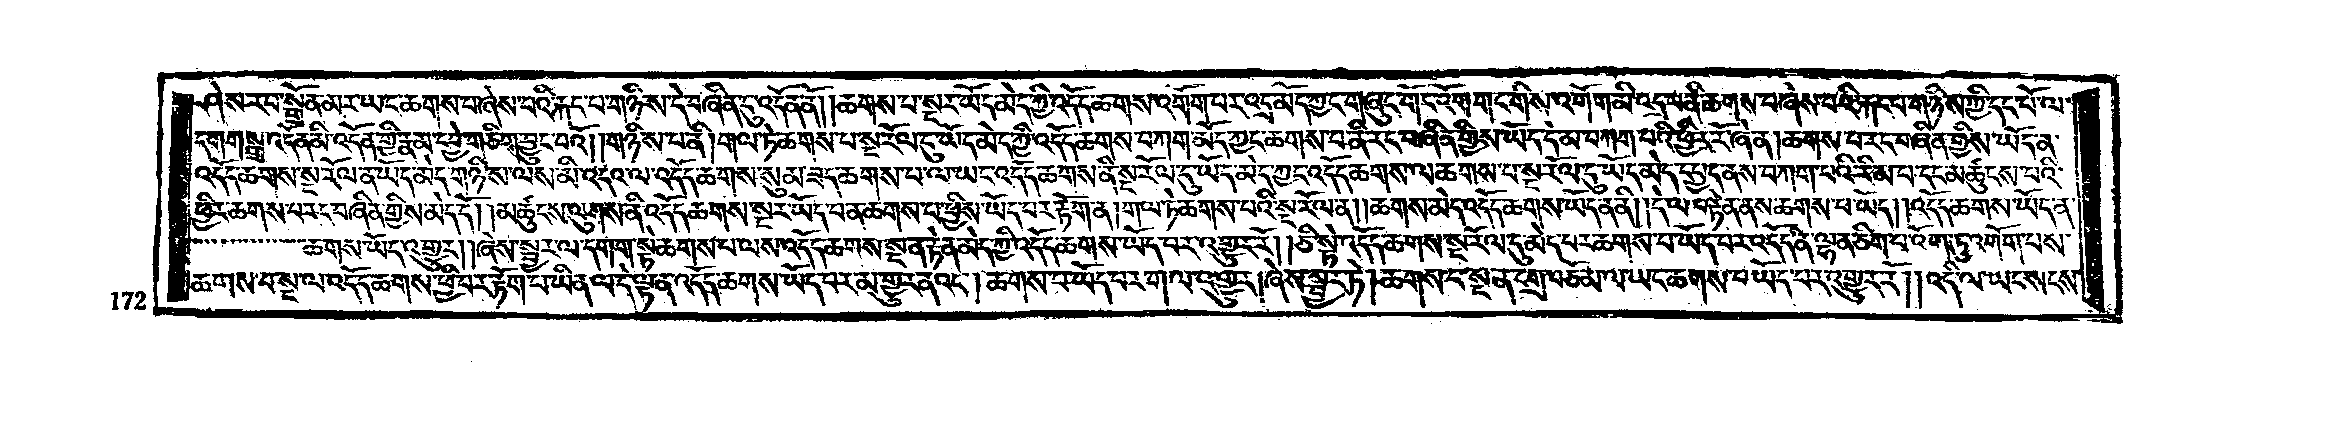ཤེས་རབ་སྒྲོན་མར་ཡང་ཆགས་བ་ཞེས་པའི་རྐང་པ་གཉིས་དེ་བཞིན་དུ་འདོན་ནོ། །ཆགས་པ་སྔར་ཡོད་མེད་ཀྱི་འདོད་ཆགས་འགོག་པར་འདྲ་མོད་ཀྱང་གཞུང་གོང་འོག་གང་གིས་འགོག་མི་འདྲ་བ་ནི་ཆགས་པ་ཞེས་པའི་རྐང་པ་གཉིས་ཀྱིས་དང་པོ་ལ་
དགག་སྒྲ་འདོན་མི་འདོན་གྱི་རྣམ་དབྱེ་གཅིག་བྱུང་པའོ། །གཉིས་པ་ནི། གལ་ཏེ་ཆགས་པ་སྔ་རོལ་དུ་ཡོད་མེད་ཀྱི་འདོད་ཆགས་བཀག་མོད་ཀྱང་ཆགས་པ་ནི་རང་བཞིན་གྱིས་ཡོད་དེ་མ་བཀག་པའི་ཕྱིར་རོ་ཞེ་ན། ཆགས་པ་རང་བཞིན་གྱིས་ཡོད་ན་
འདོད་ཆགས་སྔར་རོལ་ན་ཡོད་མེད་གཉིས་ལས་མི་འདའ་ལ་འདོད་ཆགས་སུ་མྯད་ཆགས་པ་ལ་ཡང་འདོད་ཆགས་ནི་སྔ་རོལ་དུ་ཡོད་མེད་ཀྱང་འདོད་ཆགས་ལ་ཆགས་པ་སྔར་རོལ་དུ་ཡོད་མེད་དཔྱད་ནས་བཀག་པའི་རིམ་པ་དང་མཚུངས་པའི་
ཕྱིར་ཆགས་པ་རང་བཞིན་གྱིས་མེད་དོ། །མཚུངས་ལུགས་ནི་འདོད་ཆགས་སྔར་ཡོད་པ་ན་ཆགས་པ་ཕྱིས་ཡོད་པར་རྟོག་ན། གལ་ཏེ་ཆགས་པའི་སྔ་རོལ་ན། །ཆགས་མེད་འདོད་ཆགས་ཡོད་ན་ནི། །དེ་ལ་བརྟེན་ནས་ཆགས་པ་ཡོད། །འདོད་ཆགས་ཡོད་ན་
ཆགས་ཡོད་འགྱུར། །ཞེས་སྦྱར་ལ་དགག་སྟེ་ཆགས་པ་ལས་འདོད་ཆགས་སྔ་ན་རྟེན་མེད་ཀྱི་འདོད་ཆགས་ཡོད་པར་འགྱུར་རོ། །ཅི་སྟེ་འདོད་ཆགས་སྔ་རོལ་དུ་མེད་པར་ཆགས་པ་ཡོད་པར་འདོད་ན་ལྷན་ཅིག་པ་འོག་ཏུ་འགོག་པས་
ཆགས་པ་སྔ་ལ་འདོད་ཆགས་ཕྱི་བར་རྟོག་པ་ཡིན་ལ་དེ་ལྟ་ན་འདོད་ཆགས་ཡོད་པར་མ་གྱུར་ནའང་། ཆགས་པ་ཡོད་པར་གལ་འགྱུར། ཞེས་སྦྱར་ཏེ། ཆགས་པ་སྔ་ན་དགྲ་བཅོམ་པ་ཡང་ཆགས་པ་ཡོད་པར་འགྱུར་རོ། །འདི་ལ་ཡང་སངས་